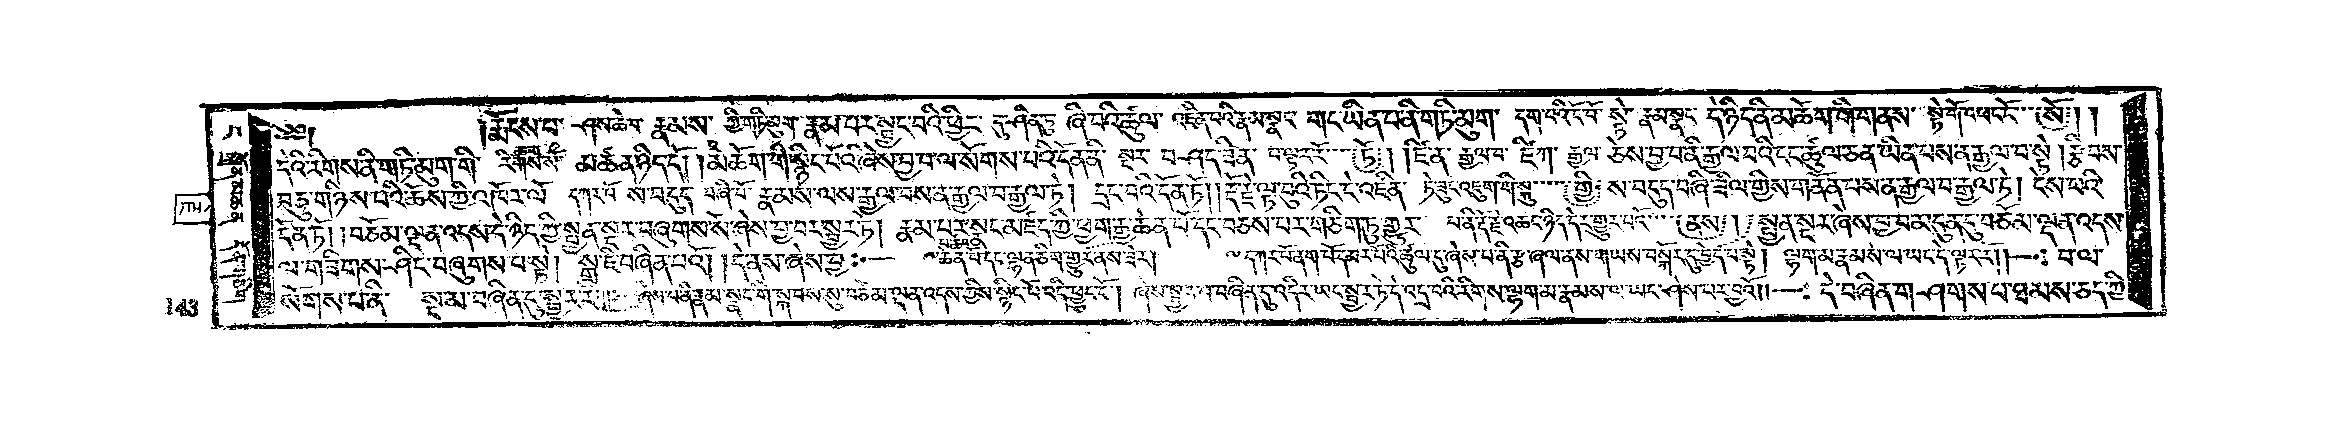༄༅། །རྨོངས་པ་ཤས་ཆེ་བ་རྣམས་ཀྱི་གཏི་མུག་རྣམ་པར་སྦྱང་བའི་ཕྱིར་དུ་ཤིན་ཏུ་ཞི་བའི་ཚུལ་འཛིན་པའི་རྣམ་སྣང་གང་ཡིན་པ་ནི་གཏི་མུག་དག་པའི་ངོ་བོ་སྟེ་རྣམ་སྣང་དེ་ཉིད་ནི་མཆོག་གི་གནས་སྟེ་གོ་འཕང་ངོ་སོ། །
དེའི་རིགས་ནི་གཏི་མུག་གི་རིགས་ཆག་སོ་མཚན་ཉིད་དོ། །༢་མཆོག་གི་སྙིང་པོའི་ཞེས་བྱ་བ་ལ་སོགས་པའི་དོན་ནི་སྔར་བཤད་ཟིན་པ་ལྟར་རོ་ཏོ། །ཛི་ན་རྒྱལ་བ་ཛིཀ་རྒྱལ་ཅེས་བྱ་བ་ནི་རྒྱལ་བའི་ངང་ཚུལ་ཅན་ཡིན་པས་ན་རྒྱལ་བ་སྟེ། རྩི་བས་
བཅུ་གཉིས་པའི་ཆོས་ཀྱི་འཁོར་ལོ་དཀར་པོ་ས་བདུད་བཞི་པོ་རྣམས་ལས་རྒྱལ་བས་ན་རྒྱལ་བ་རྒྱལ་ཏེ། དྲང་བའི་དོན་ཏོ། །རྡོ་རྗེ་ལྟ་བུའི་ཏིང་ངེ་འཛིན་ཏེ་ཟུང་འཇུག་གི་སྐུ་གྱི་ས་བདུད་བཞི་ཟིལ་གྱིས་གནོན་པས་ན་རྒྱལ་བ་རྒྱལ་ཏེ། ངེས་པའི་
དོན་ཏོ། །བཅོམ་ལྡན་འདས་དེ་ཉིད་ཀྱི་སྤྱན་སྔར་བཞུགས་སོ་ཞེས་བྱ་བར་སྦྱར་ཏེ། རྣམ་པར་སྣང་མཛད་ཀྱི་ཕྱག་རྒྱ་ཆེན་པོ་དང་བཅས་པར་གཅིག་ཏུ་གྱུར་པ་ནི་རྡོ་རྗེ་འཆང་ཉིད་དེར་གྱུར་པའོ་ནས། སྤྱན་སྔར་ཞེས་བྱ་བ་མདུན་དུ་བཅོམ་ལྡན་འདས་
ལ་གཟིགས་ཤིང་བཞུགས་པ་སྟེ། སྒྲ་ཇི་བཞིན་པའོ། །དེ་ནས་ཞེས་བྱཿ་པ་ཚབ་༧ཆེན་པོ་དང་ལྷན་ཅིག་གྱུར་ནས་ཟེར། ༧དཀར་པོ་ནག་པོ་དམར་པོའི་ཚུལ་དུ་ཞེས་པ་ནི་རྩ་ཞལ་ནས་གཡས་བསྐོར་དུ་བྱེད་པ་སྟེ། ལྷག་མ་རྣམས་ལ་ཡང་དེ་ལྟར་རོ།།  .H བ་ལ་
སོགས་པ་ནི་སྔ་མ་བཞིན་དུ་སྦྱར་རོ།།H.་ཞེས་པ་ནི་རྣམ་སྣང་གི་སྐབས་སུ་བཅོམ་ལྡན་འདས་ཀྱིས་སྙིང་པོ་འདི་ཕྱུང་ངོ། ཞེས་སྦྱར་བ་བཞིན་དུ་འདིར་ཡང་སྦྱར་ཏེ་དེ་འདྲ་བའི་རིགས་ལྷག་མ་རྣམས་ལ་ཡང་ཤེས་པར་བྱའོ།།  .H དེ་བཞིན་གཤེགས་པ་ཐམས་ཅད་ཀྱི་